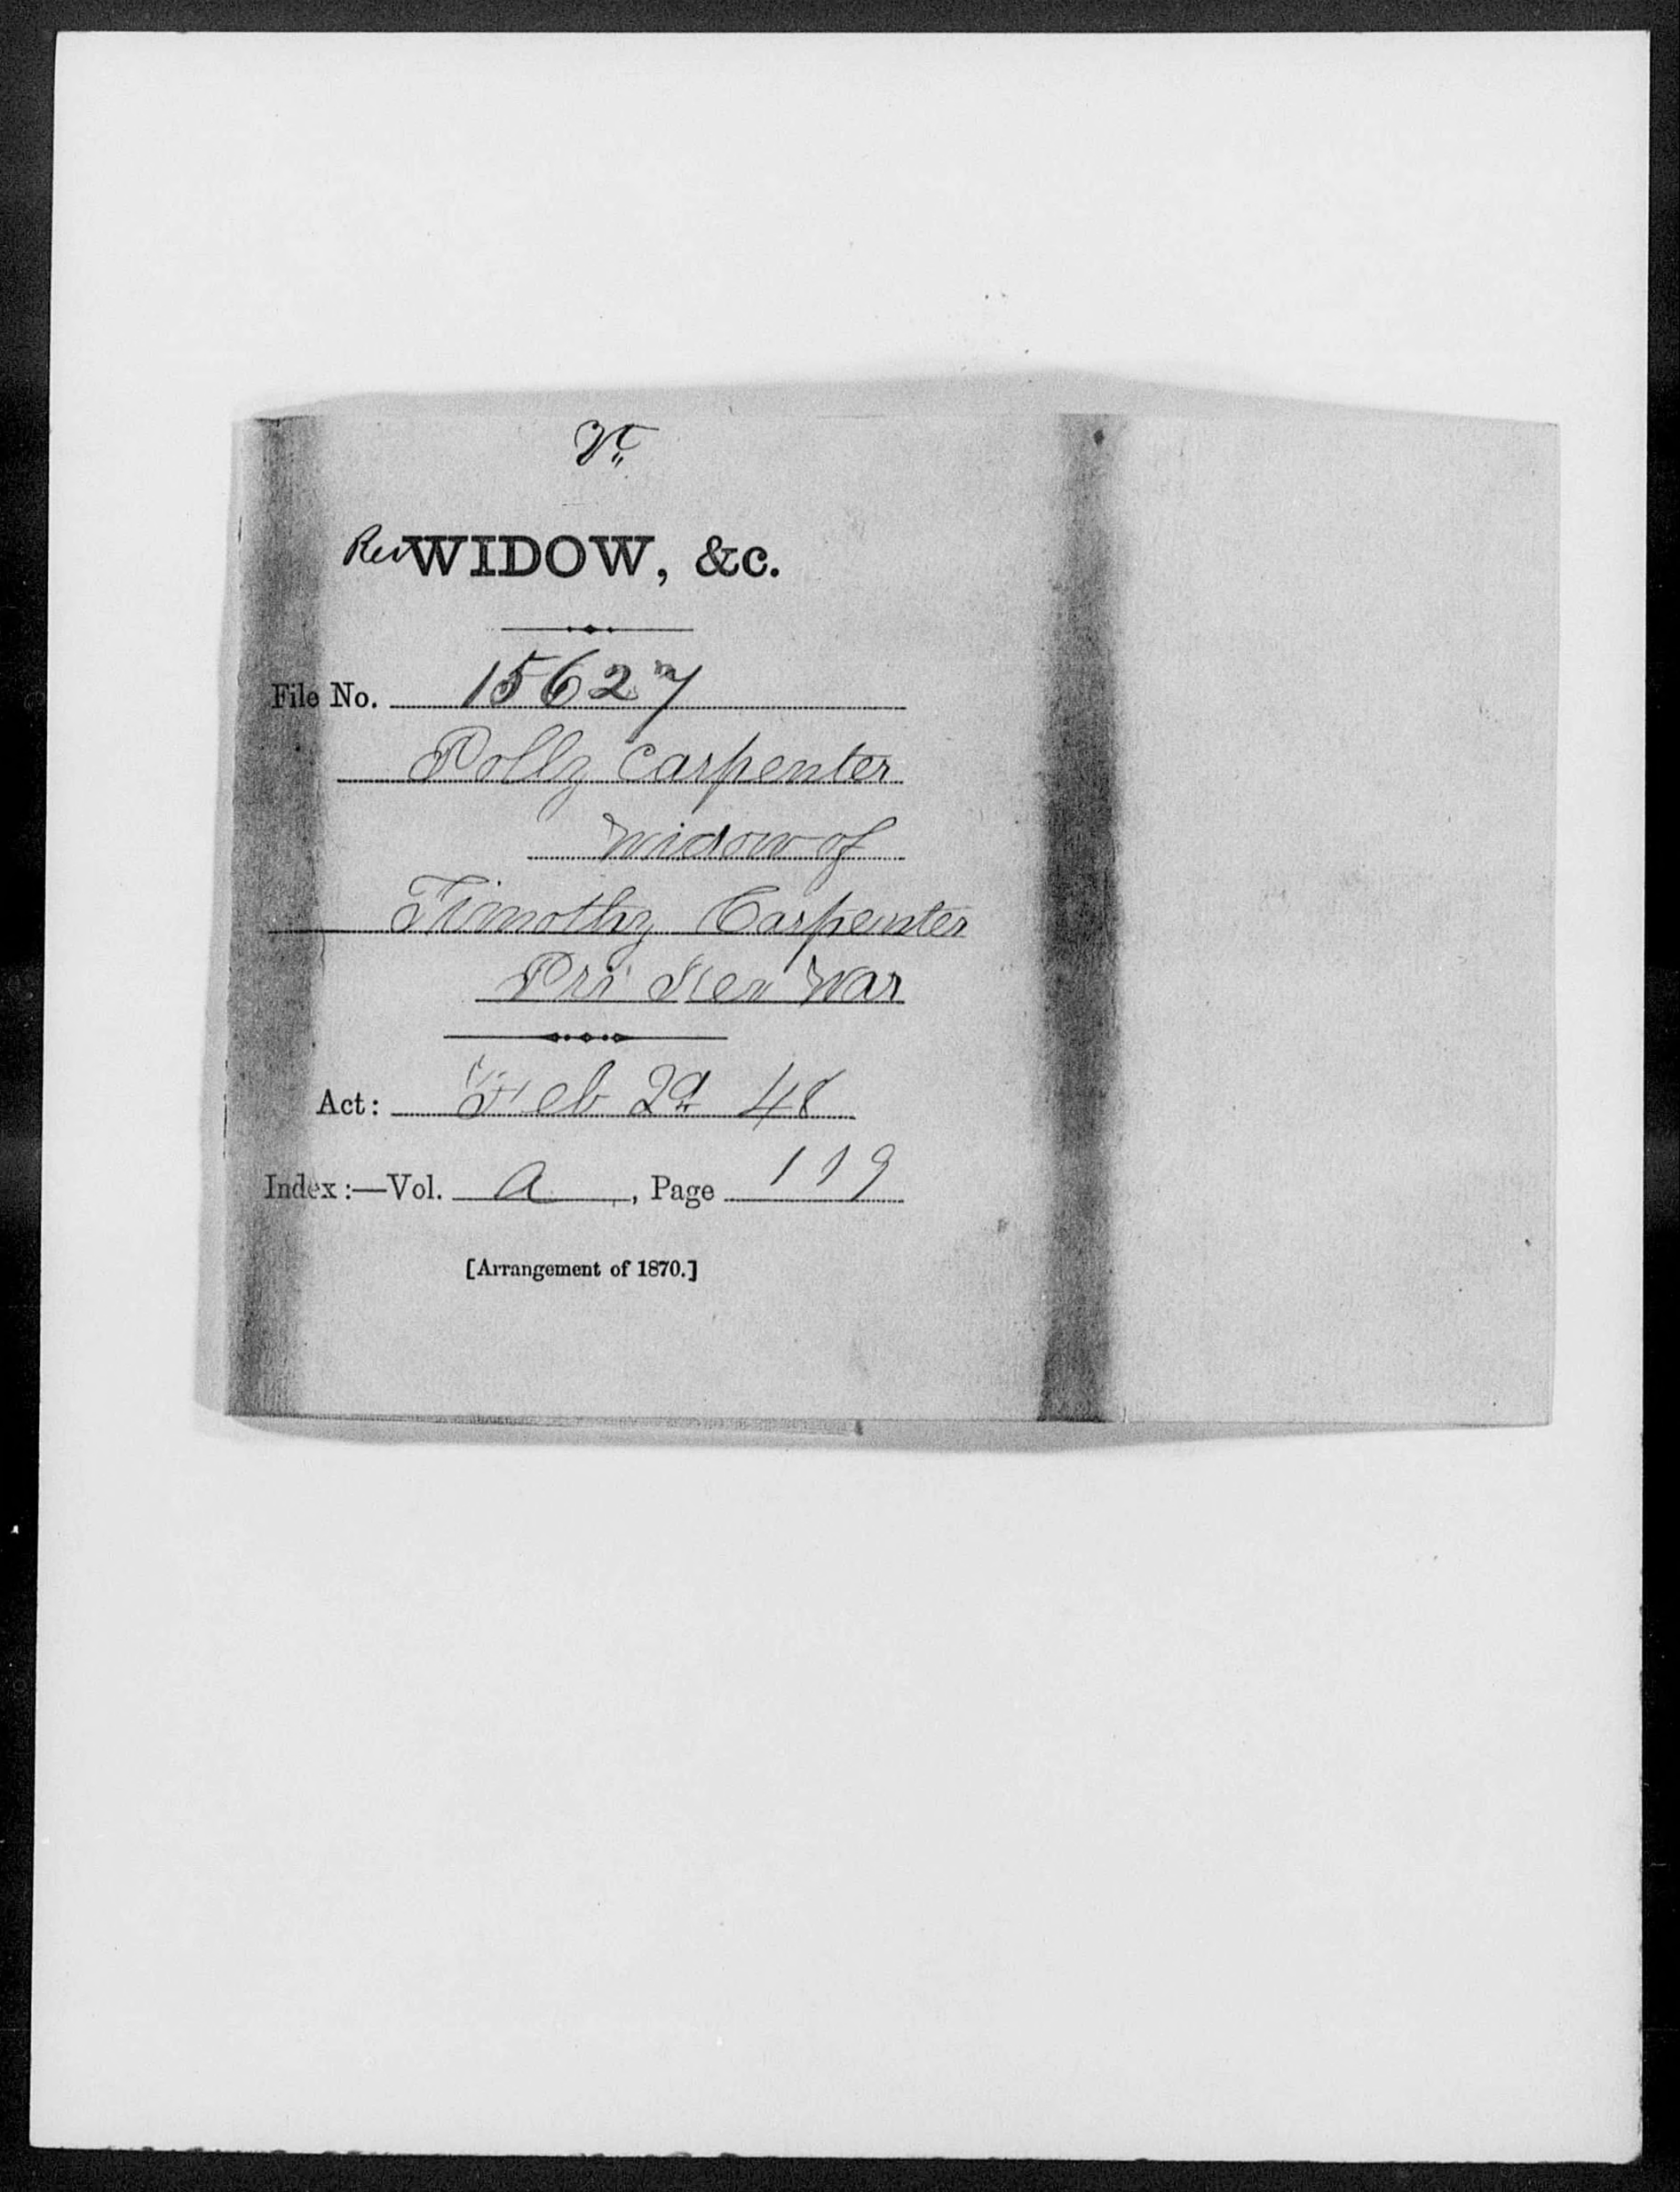Vt
Rev WIDOW, &c.

File No. 15627
Polly Carpenter widow of Timothy Carpenter Pri Rev War
______
Act: Feb 2d 48
Index: - Vol. A, Page 119

[Arrangement of 1870.]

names: Timothy Carpenter, Polly Carpenter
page: 16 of 41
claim: widow's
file: W. 15627, Timothy Carpenter, Vt.